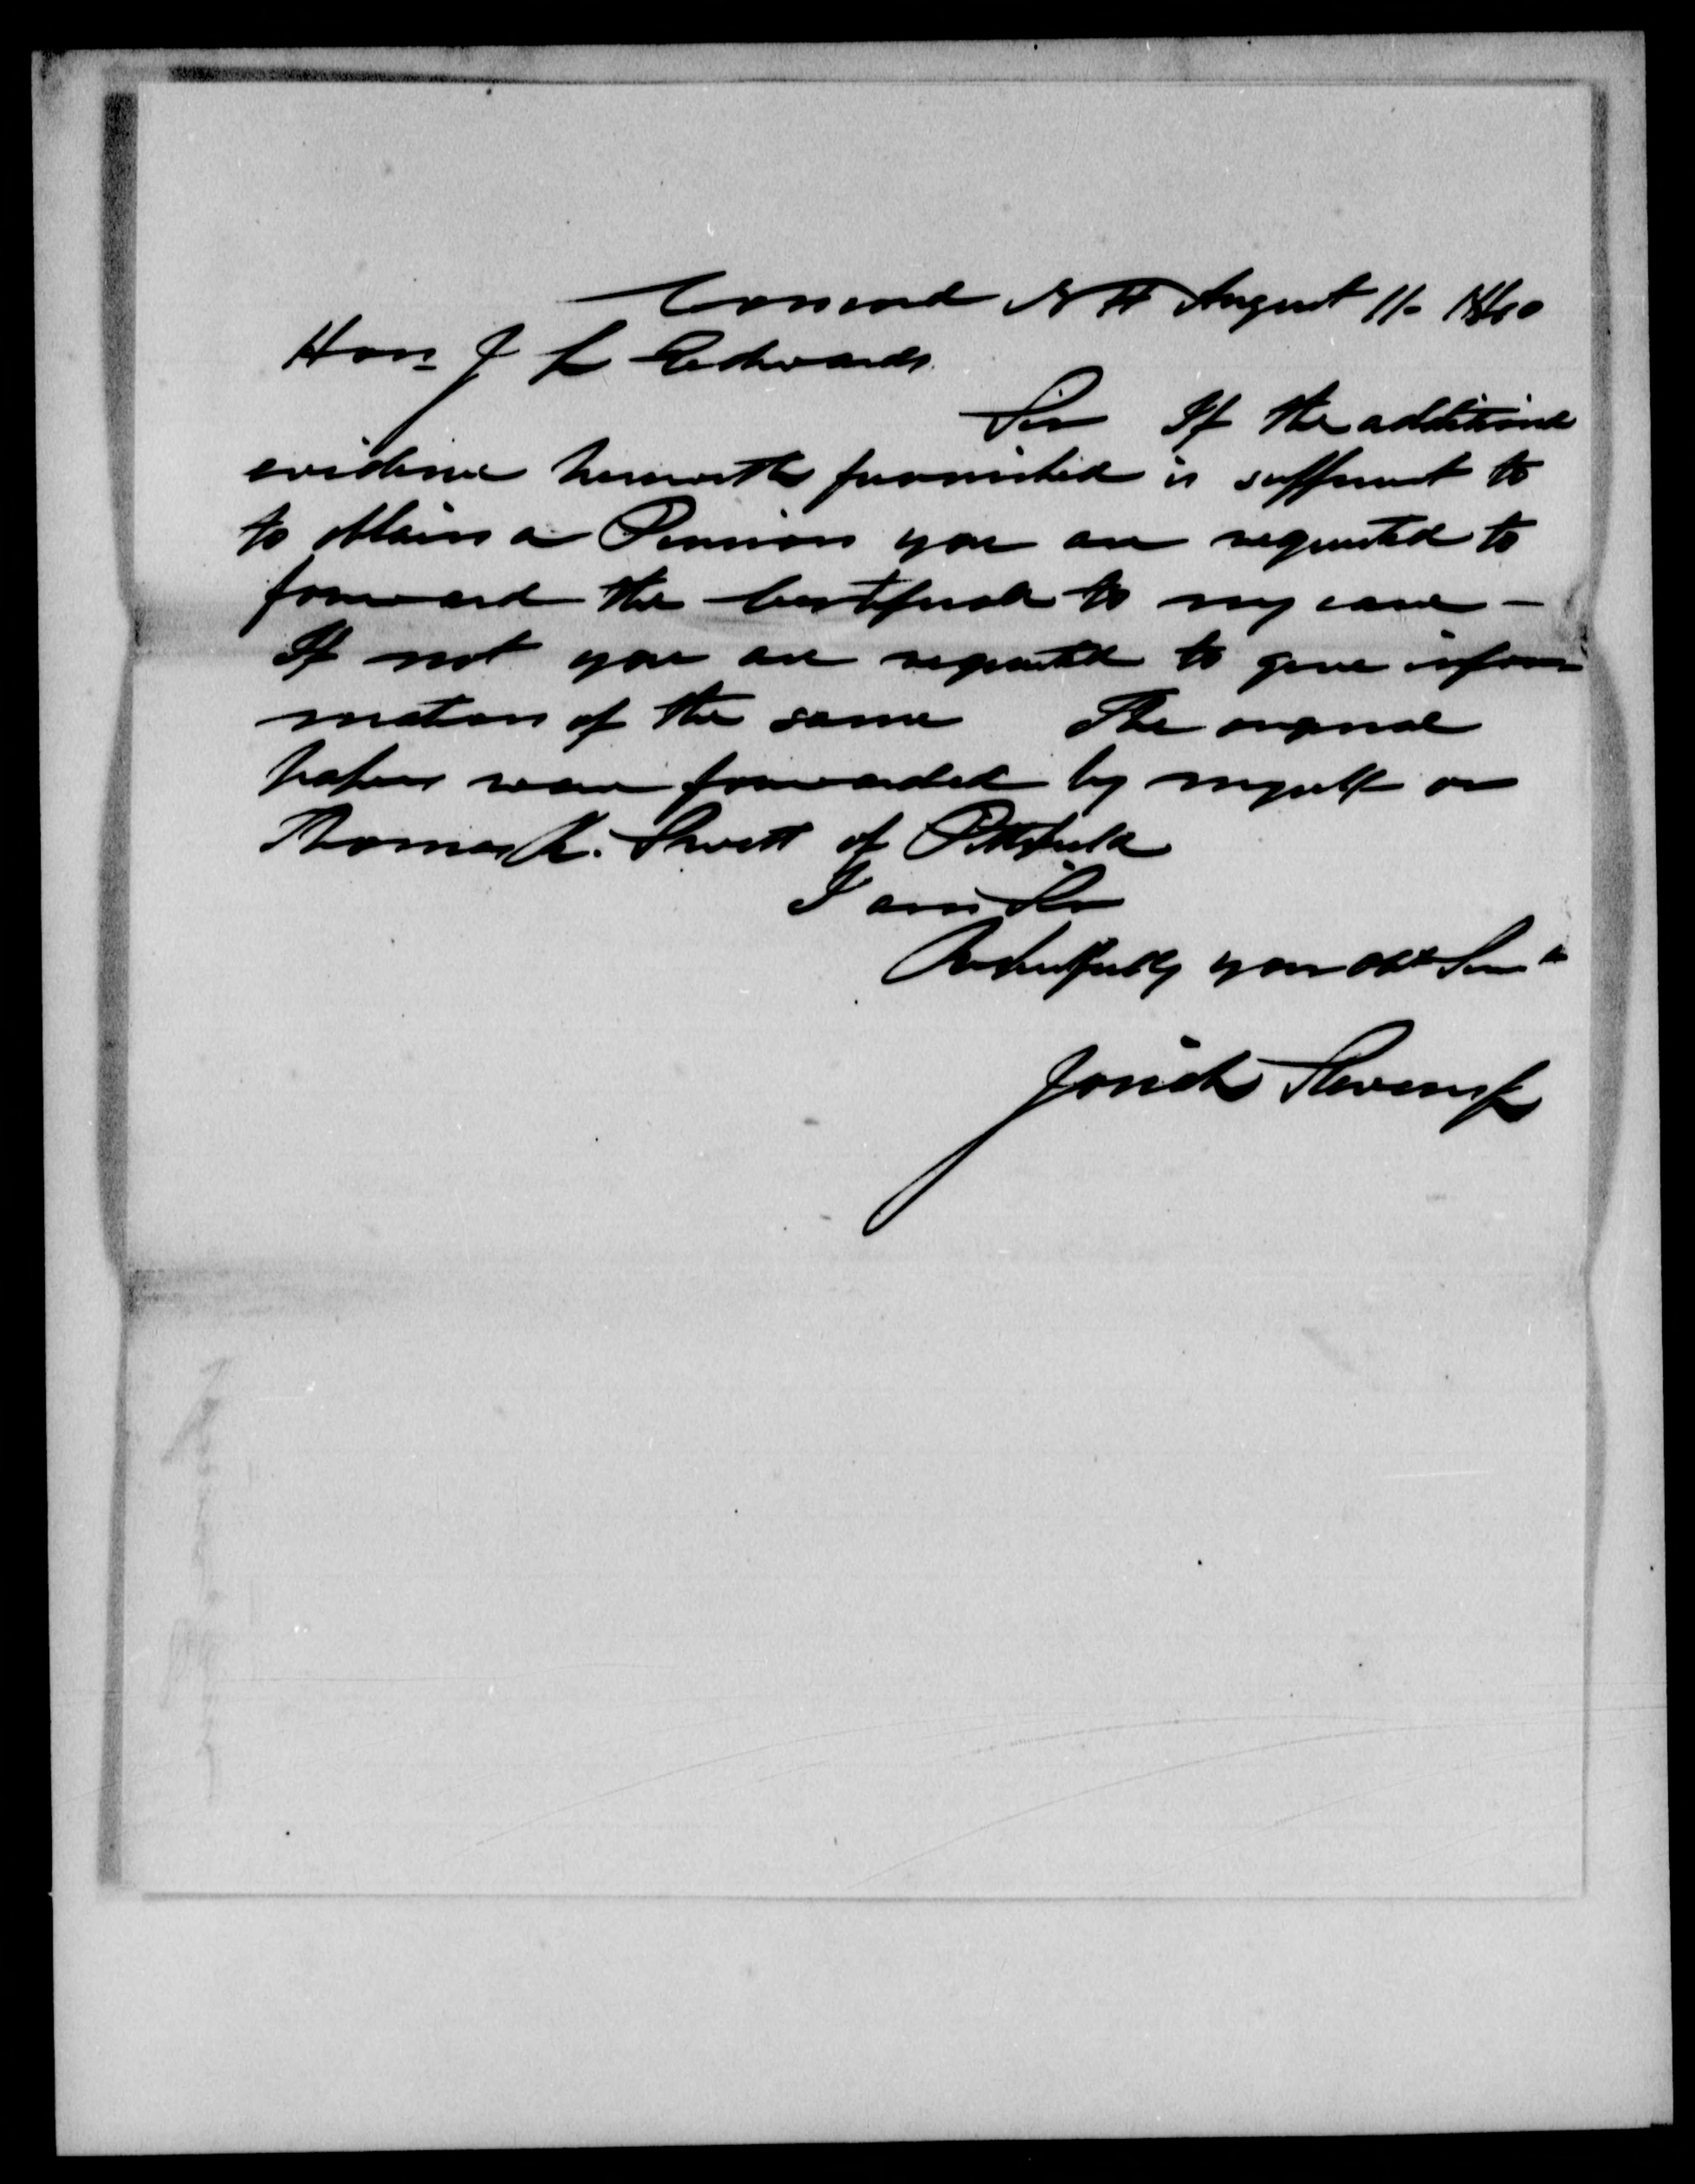Concord NH August 11 1840
Hon. J. L. Edwards this is the additional evidence herewith furnished in support  to the affairs of Pension you are requested to forward the (illegible) to my care. If not you are requested to give information of the same. The name you can forwarded by myself or Thomas Pruett of Pittsfield.
I am respectfully
Josiah Stevens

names: J L Edwards, Thomas R Swett, Josiah Stevens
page: 20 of 24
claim: widow's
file: W. 16,451, Abraham True, N.H.